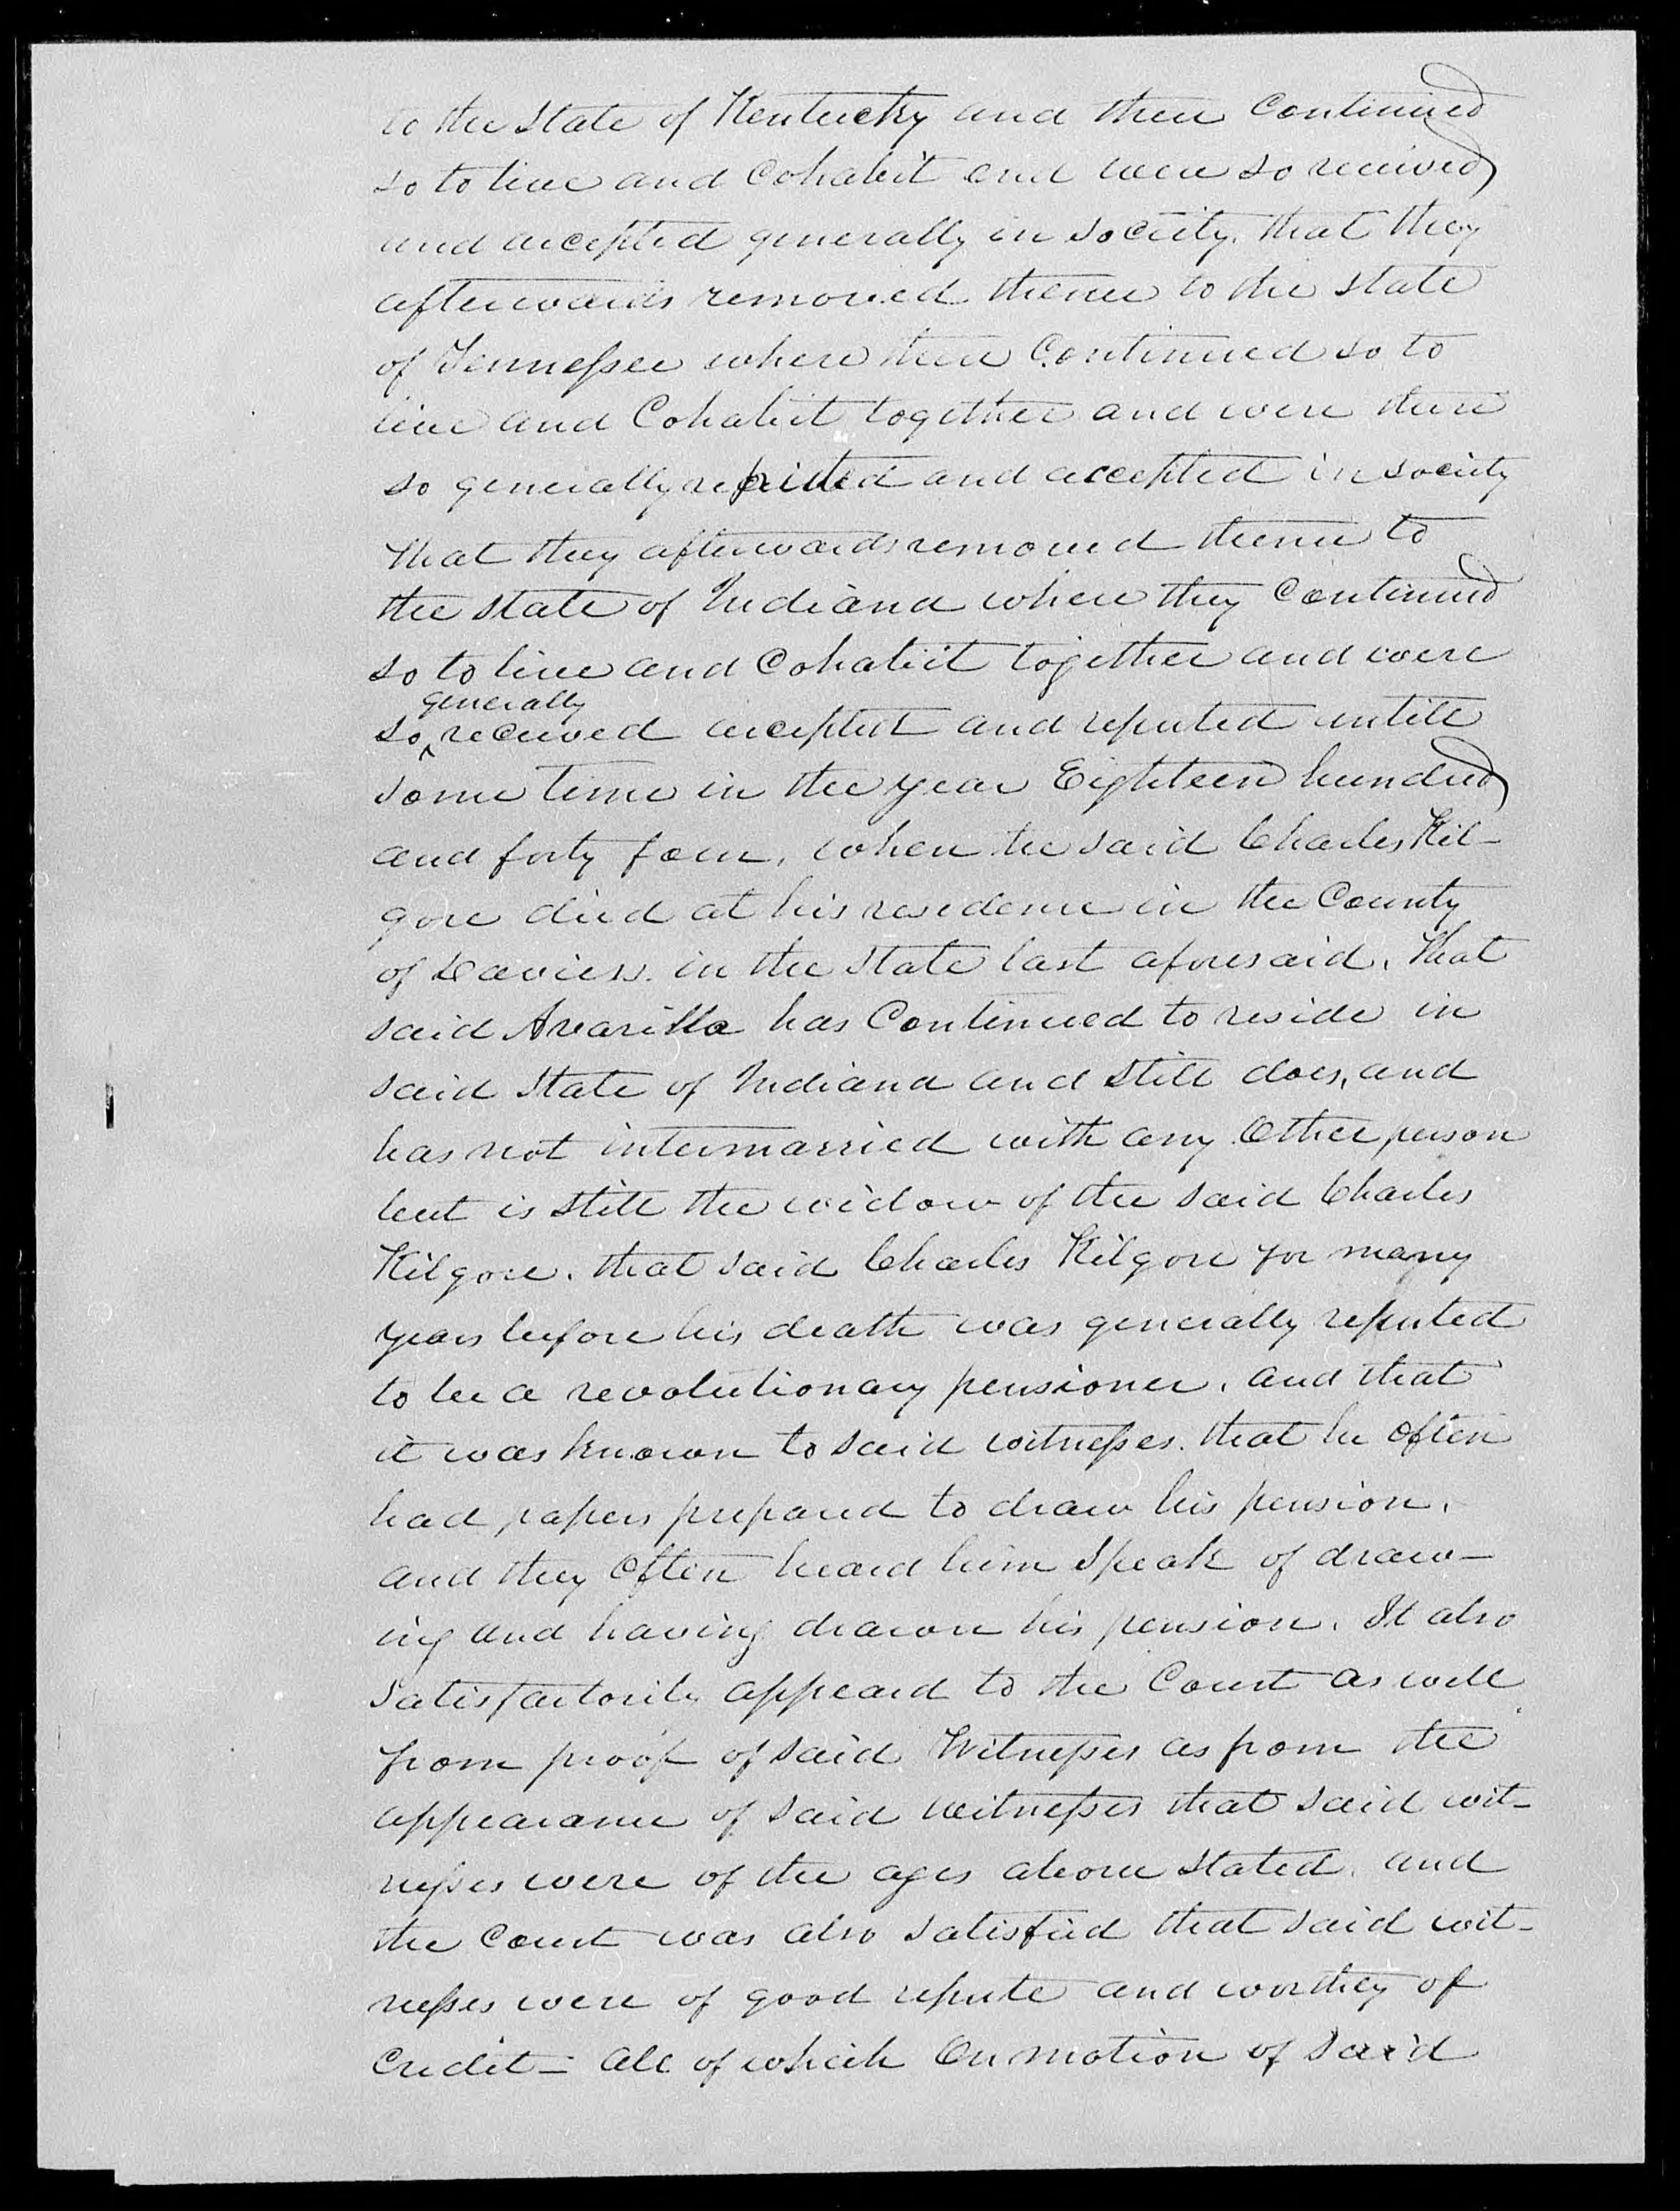to the State of Kentucky and then continued so to live and cohabit and were so received and accepted generally in society, that they afterwards removed thence to the state of Tennessee where there continued so to live and Cohabit together and were there so generally reputed and accepted in society that they afterwards removed thence to the State of Indiana where they continued so to live and cohabit together and were so generally received accepted and reputed untill some time in the year Eighteen hundred and forty four, when he said Charles Kilgore died at his residence in the County of Daviess in the State last aforesaid, that said Avarilla has continued to reside in said State of Indiana and still does, and has not intermarried with any other person but is still the widow of the said Charles Kilgore. that said Charles Kilgore for many years before his death was generally reputed to be a revolutionary pensioner, and that it was known to said witnesses that he often had papers prepared to draw his pension, and they often heard him speak of drawing and having drawn his pension. It also satisfactorily appeared to the Court as well from proof of said Witnesses as from the appearance of said witnesses that said witnesses were of the ages above stated and the court was also satisfied that said witnesses were of good repute and worthy of credit. All of which on motion of said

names: Charles Kilgore; Avarilla [BLANK]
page: 54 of 115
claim: survivor's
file: S. 699, for Charles Kilgore, Virginia